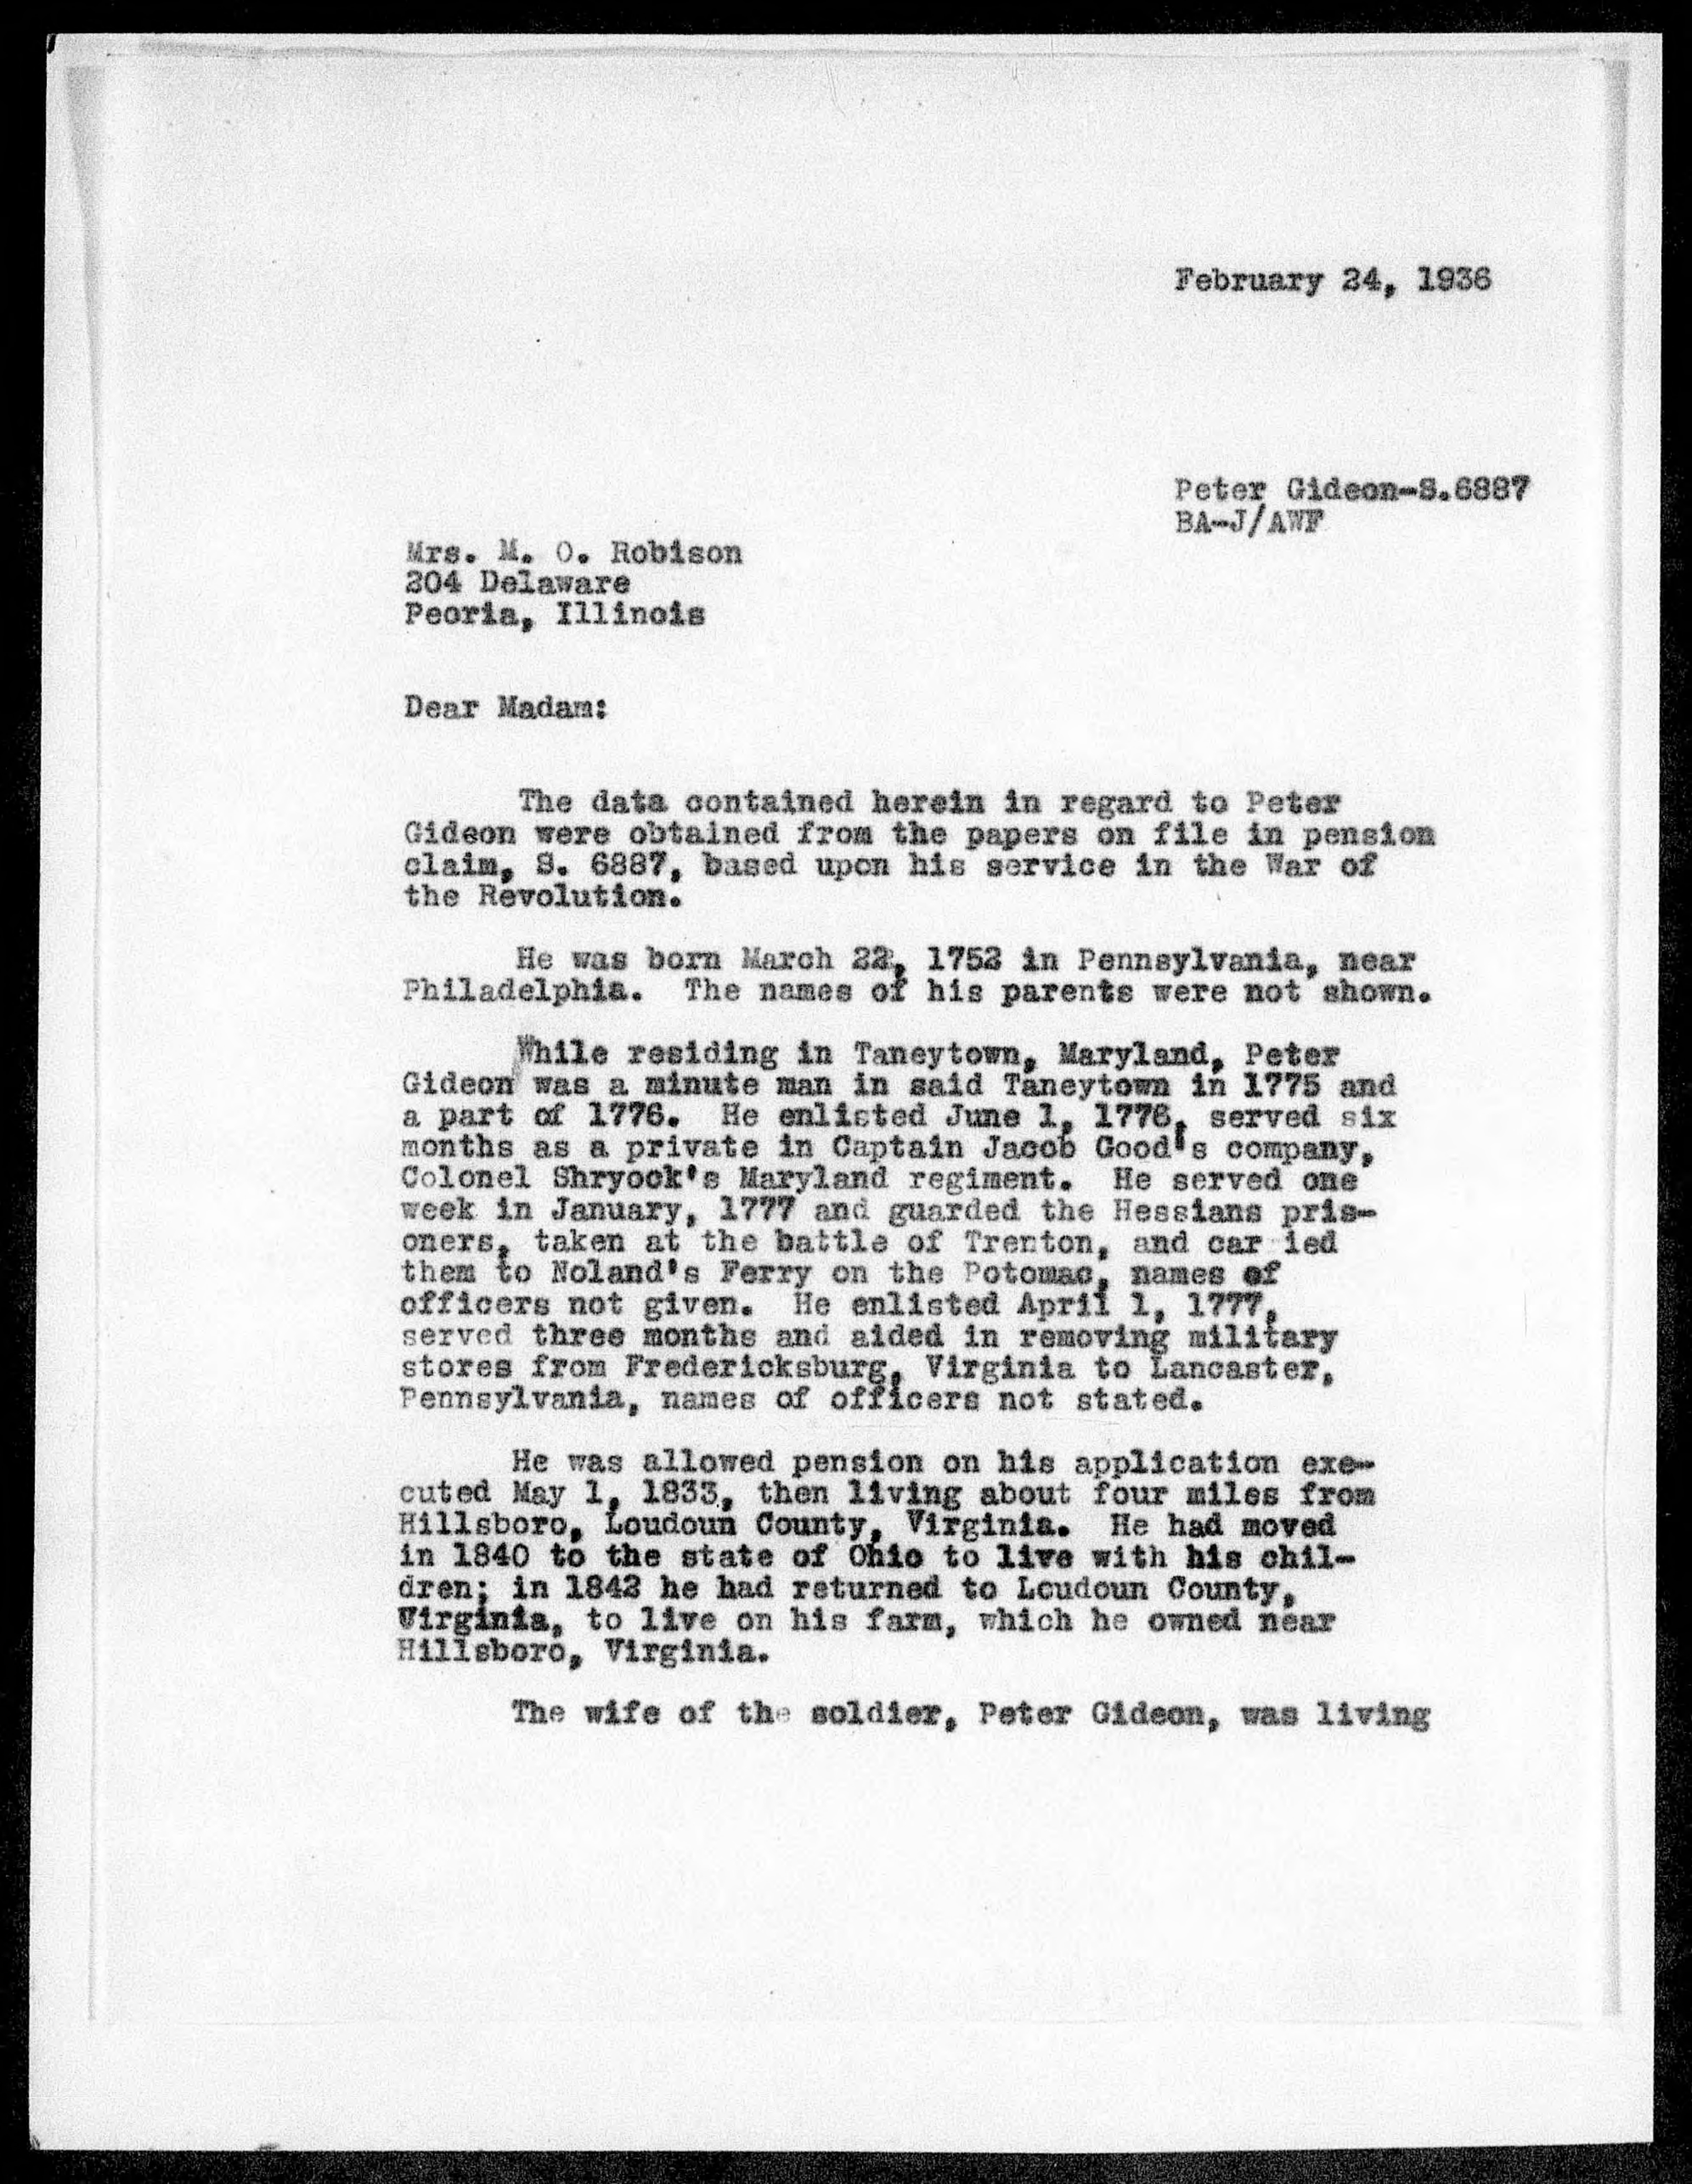February 24, 1936
Peter Gideon S.6887
BA-J/AWF

Mrs. M. O. Robison
204 Delaware
Peoria, Illinois
Dear Madam:

The data contained herein in regard to Peter
Gideon were obtained from the papers on file in pension claim, S. 6887, based upon his service in the War of the Revolution.

He was born March 22, 1752 in Pennsylvania, near Philadelphia. The names of his parents were not shown.

While residing in Taneytown, Maryland, Peter
Gideon was a minute man in said Taneytown in 1775 and a part of 1776. He enlisted June 1, 1776, served six months as a private in Captain Jacob Good's company, Colonel Shryock's Maryland regiment. He served one week in January, 1777 and guarded the Hessians prisoners, taken at the battle of Trenton, and carried them to Noland's Ferry on the Potomac, names of officers not given. He enlisted April 1, 1777, served three months and aided in removing military stores from Fredericksburg, Virginia to Lancaster, Pennsylvania, names of officers not stated.
He was allowed pension on his application executed May 1, 1833, then living about four miles from Hillsboro, Loudoun County, Virginia. He had moved in 1840 to the state of Ohio to live with his children; in 1842 he had returned to Loudoun County,Virginia, to live on his farm, which he owned near Hillsboro, Virginia.
The wife of the soldier, Peter Gideon, was living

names: Peter Gideon, Peter Gideon, M O Robison, Peter Gideon, Peter Gideon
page: 52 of 64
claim: survivor's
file: S. 6887, Peter Gideon, Md.